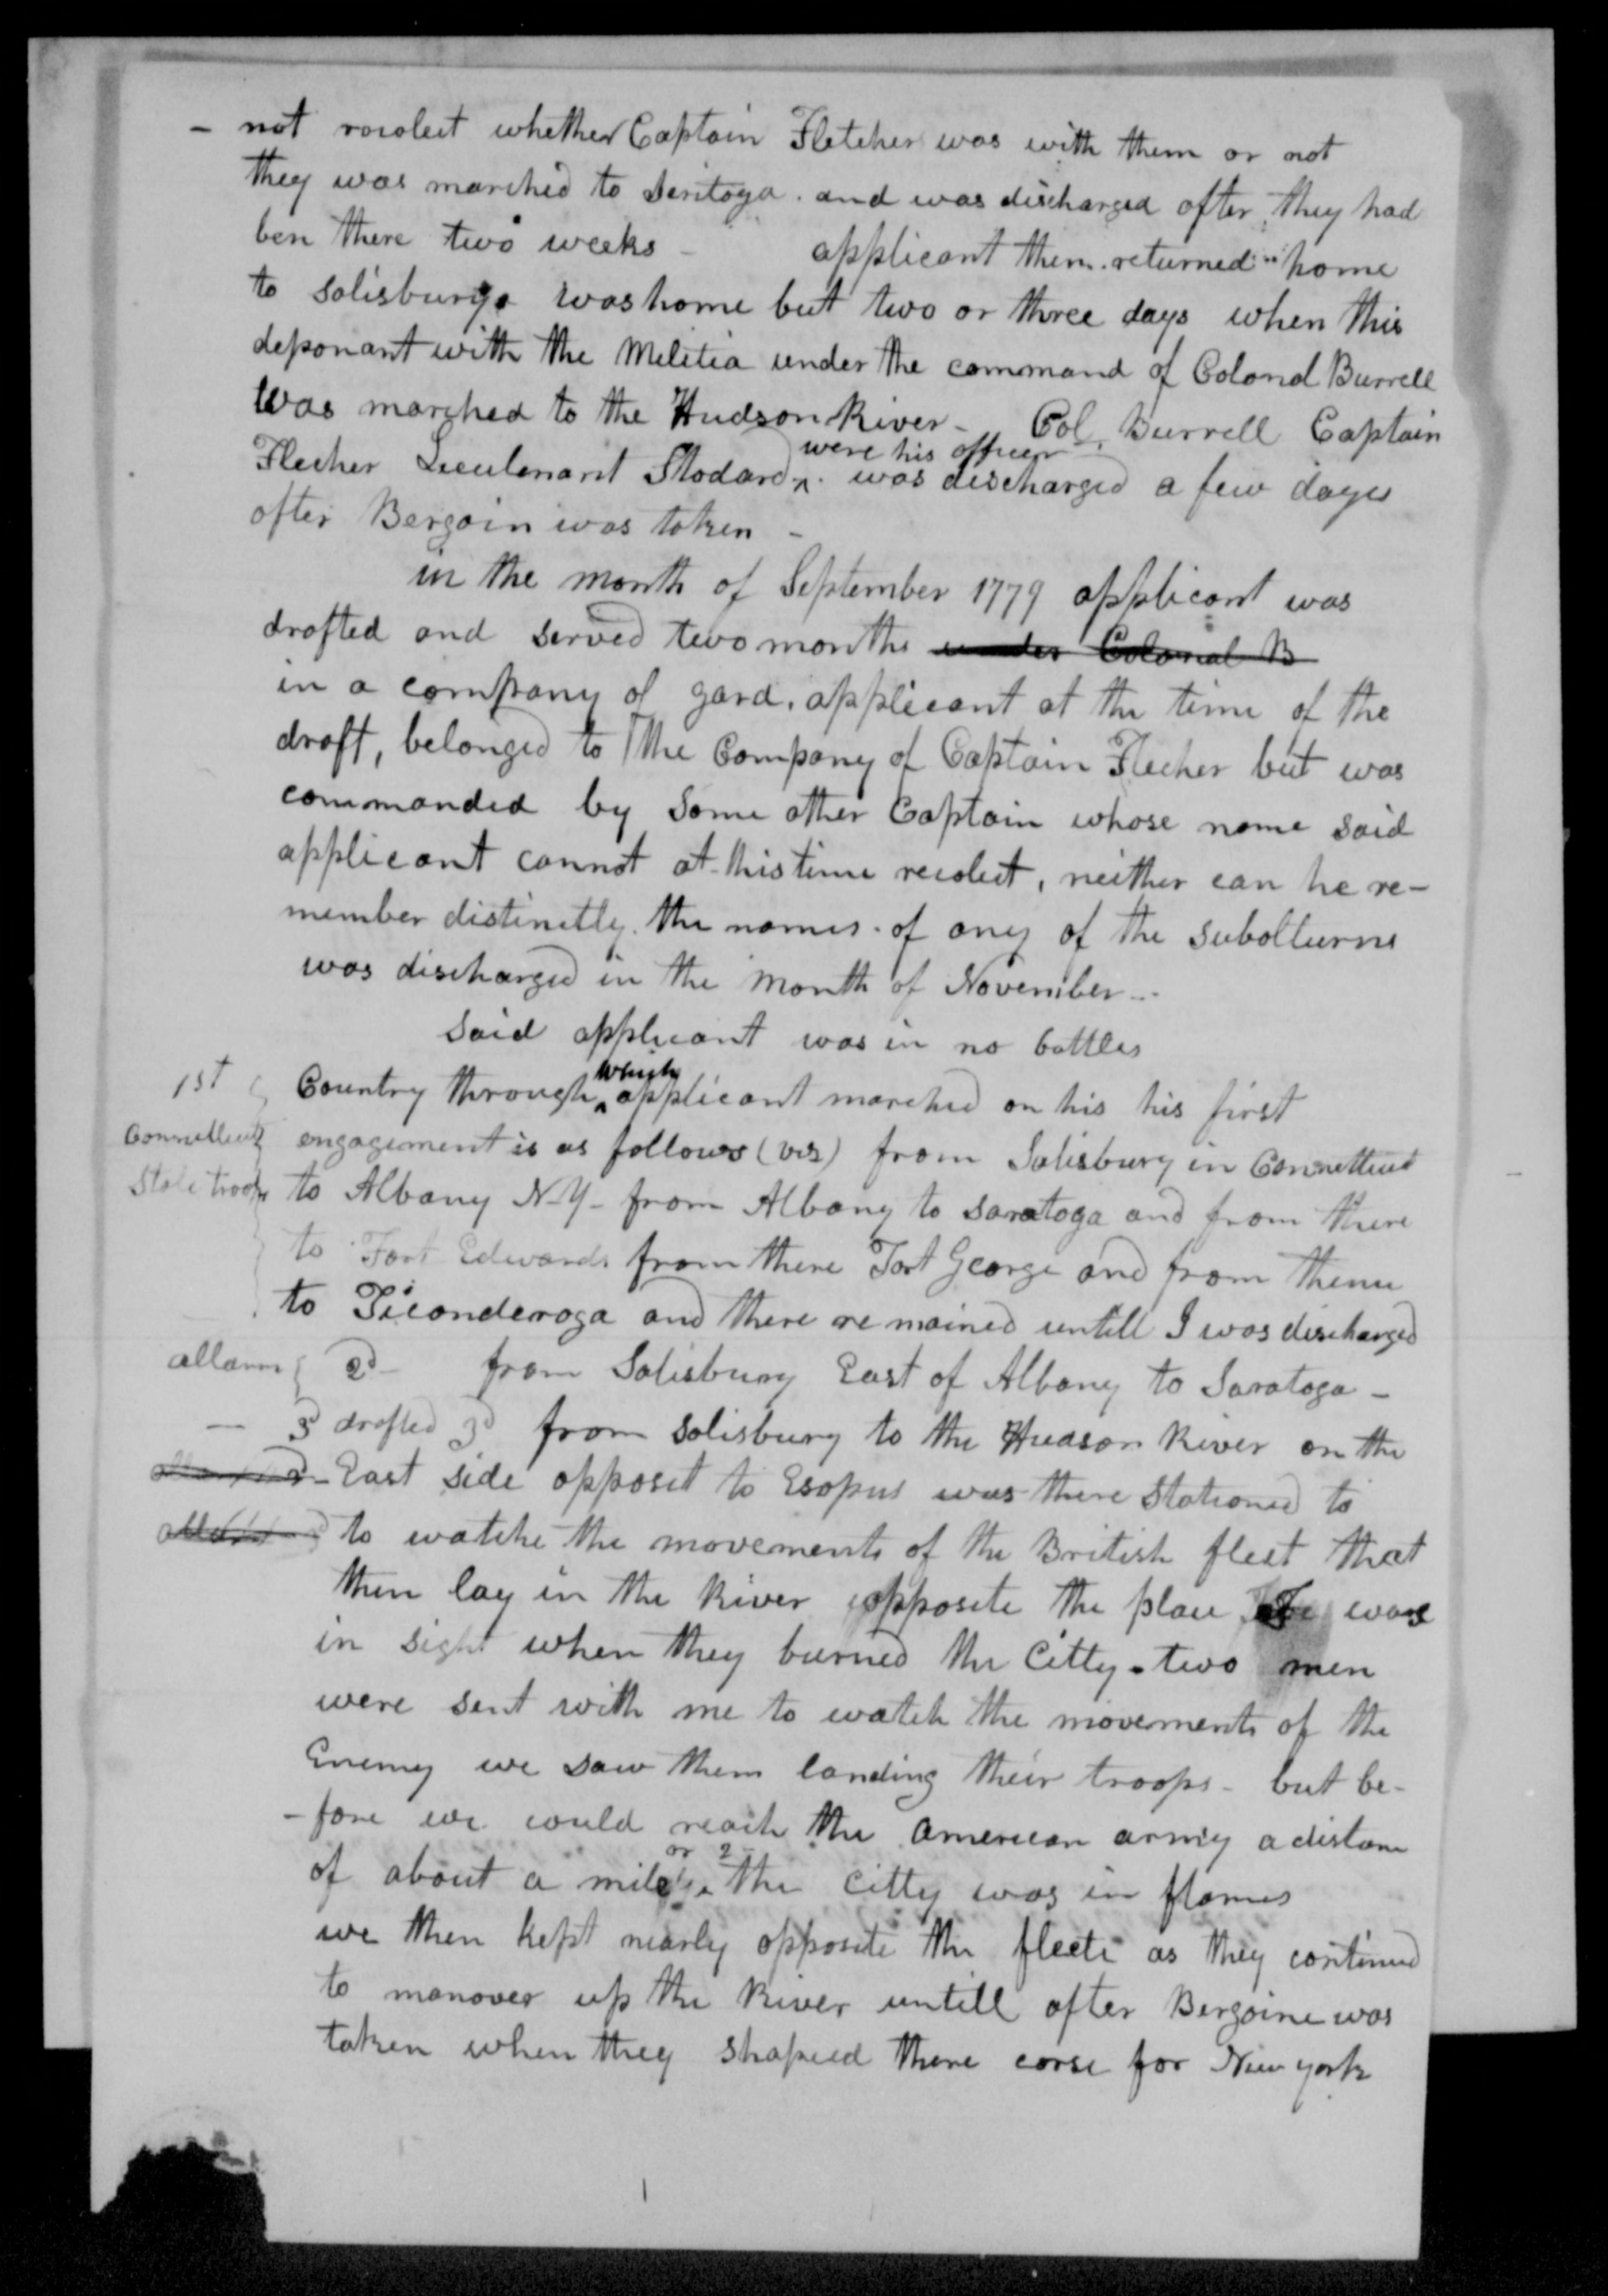--not [...orolect] whether Captain Fletcher was with them or not they was marched to Saritoga(sic) and and(sic) was discharged after they had ben(sic) there two weeks -- applicant then returned home to Salibury. Was home but two or three days when this deponant with the Militia under the command of Colonel Burrell was marched to the Hudson River -- Col. Burrell Captain Flecher(sic) Lieutenant Stodard^were his officer was discharged a few days after Bergoin(sic) was taken.

In the month of September 1779 applicant was drafted and served two months in a company of gard(sic) applicant at the time of the draft, belonged to the Company of Captain Flecher(sic) but was commanded by some other Captain whose name said applicant cannot at this time recolect(sic), neither can he remember distinctly the names of any of the Subalturns was discharged in the month of November--

{1st Connectticut(sic) State Troops} Said applicant was in no battles Country through^which applicant marched on his his (sic) first engagement is as follows (vis) from Salisbury in Connectticut(sic) to Albany N.Y. from Albany to Saratoga and from there to Fort Edwards from there Fort George and from thence to Ticonderoga and there remained untill(sic) I was discharged.

{allams?} [] from Salisbury East of Albany to Saratoga--3d drafted 3d from Salisbury to the Hudson River on the East side opposit(sic) to Esopus was there Stationed to to(sic) watche(sic) the movements of the British fleet that then lay in the River opposite the place. He was in sight when they burned the Citty(sic). Two men were sent with me to watch the movements of the Enemy we saw them landing their troops--but before we could reach the American army a distance of about a mile^or two the Citty(sic) was in flames we then kept nearly opposite the fleet as they continued to manover(sic) up the River untill(sic) after Bergoine(sic) was taken when they shaped their corse(sic) for New York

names: Burrell, Stodard, Flecher, Fletcher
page: 5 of 63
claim: widow's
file: W. 18403, David White, Conn.